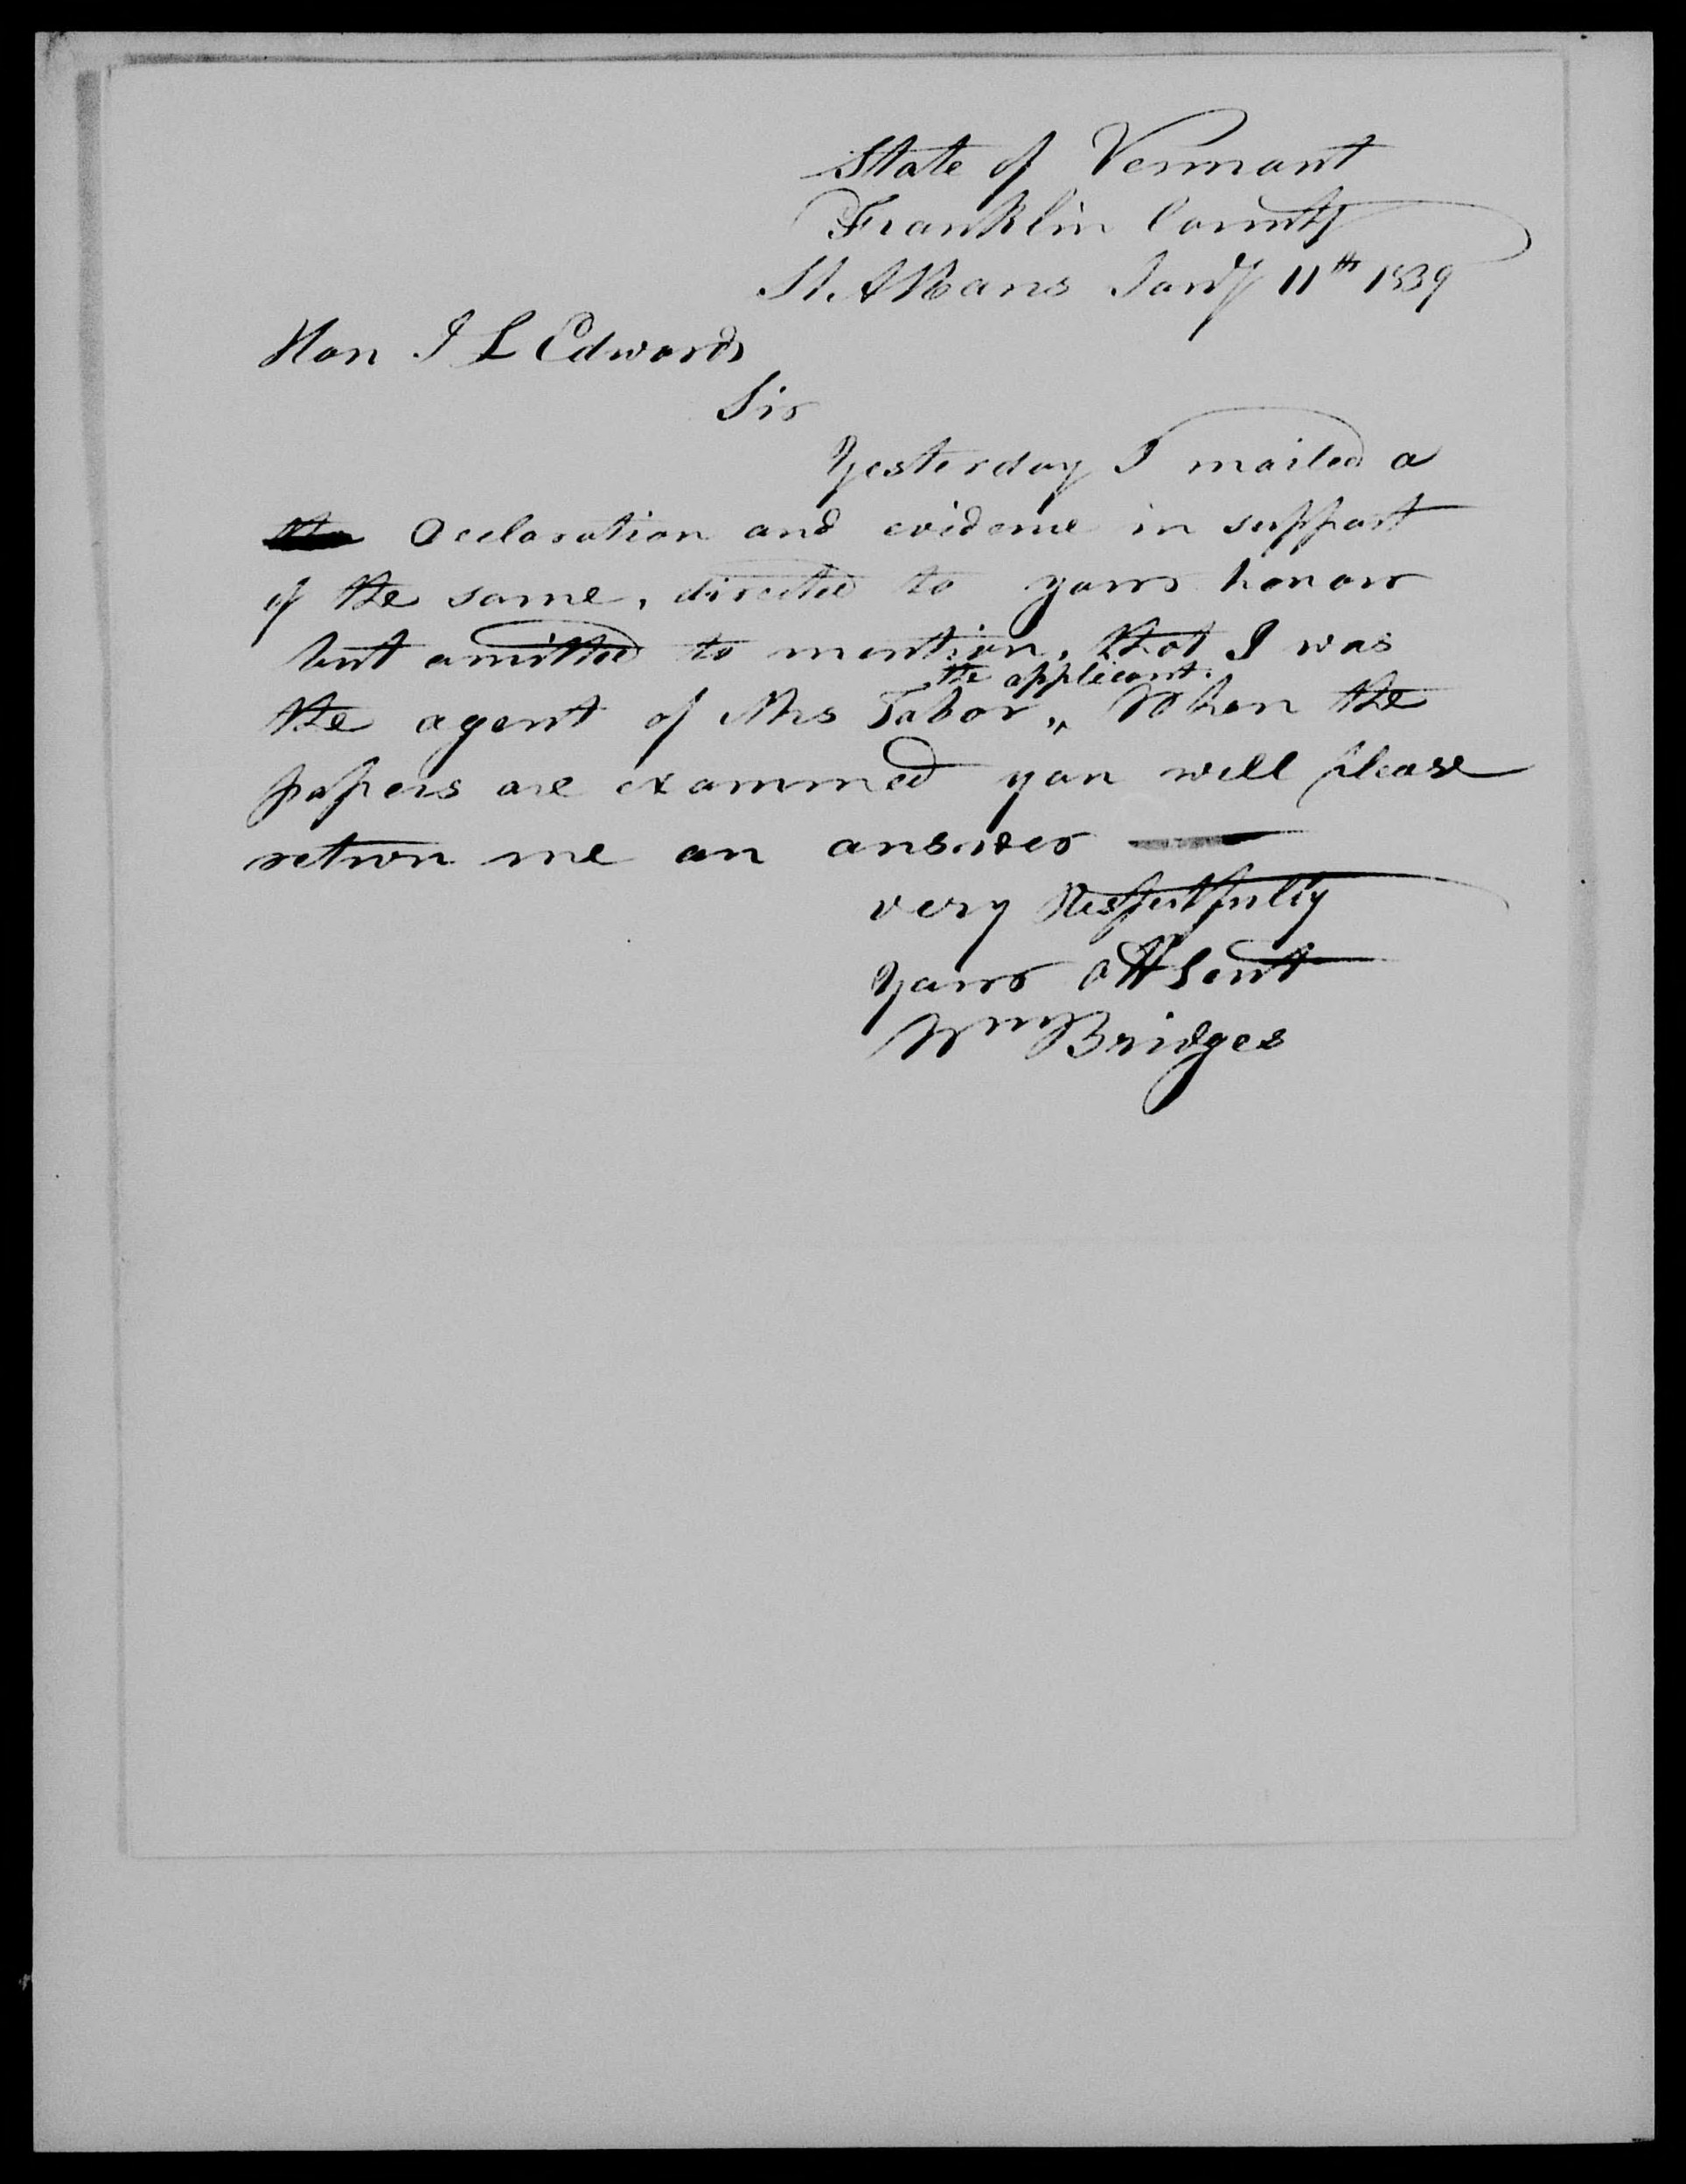State of Vermont
Franklin County
St. Albans Jany 11th 1839

Hon. J. L. Edwards
Sir,
Yesterday I mailed a declaration and evidence in support of the same directed to your honor but omitted to mention that I was the agent of Mrs. Tabor, ^the applicant^.  When the papers are examined you will please return me an answer.
Very respectfully
Your obt. servt.
Wm. Bridges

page: 18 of 41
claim: widow's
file: W 26507, for Church Tabor, Massachusetts